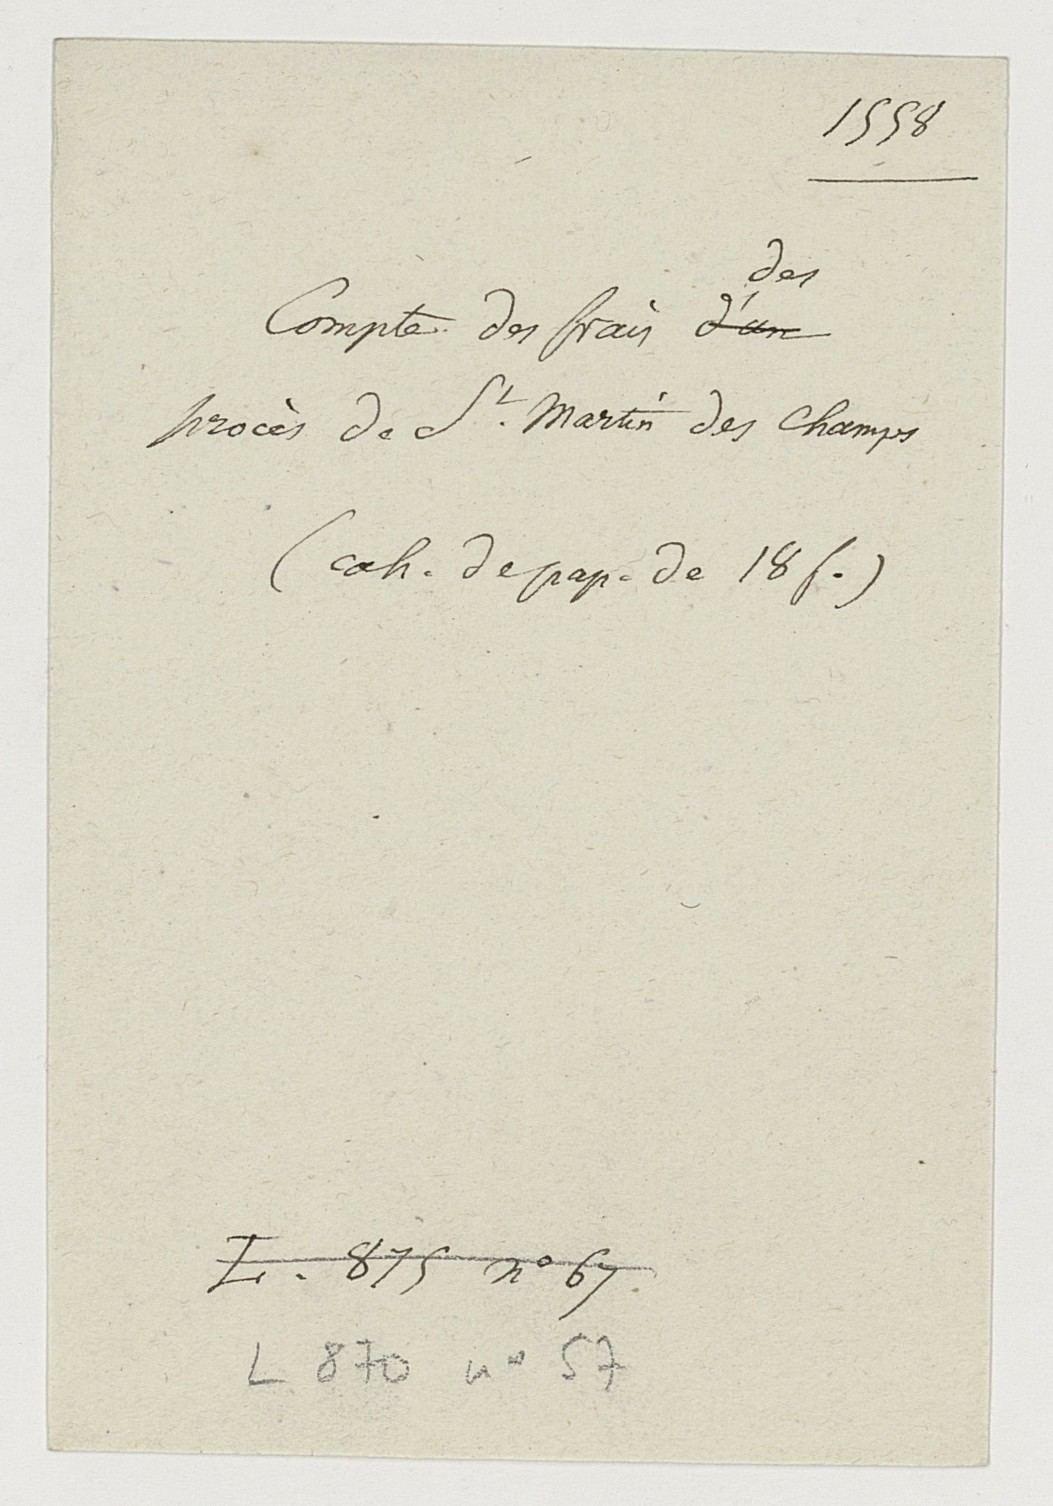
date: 1558
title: Compte des frais des procès de Saint-Martin des Champs
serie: L
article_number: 870
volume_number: n° 57
